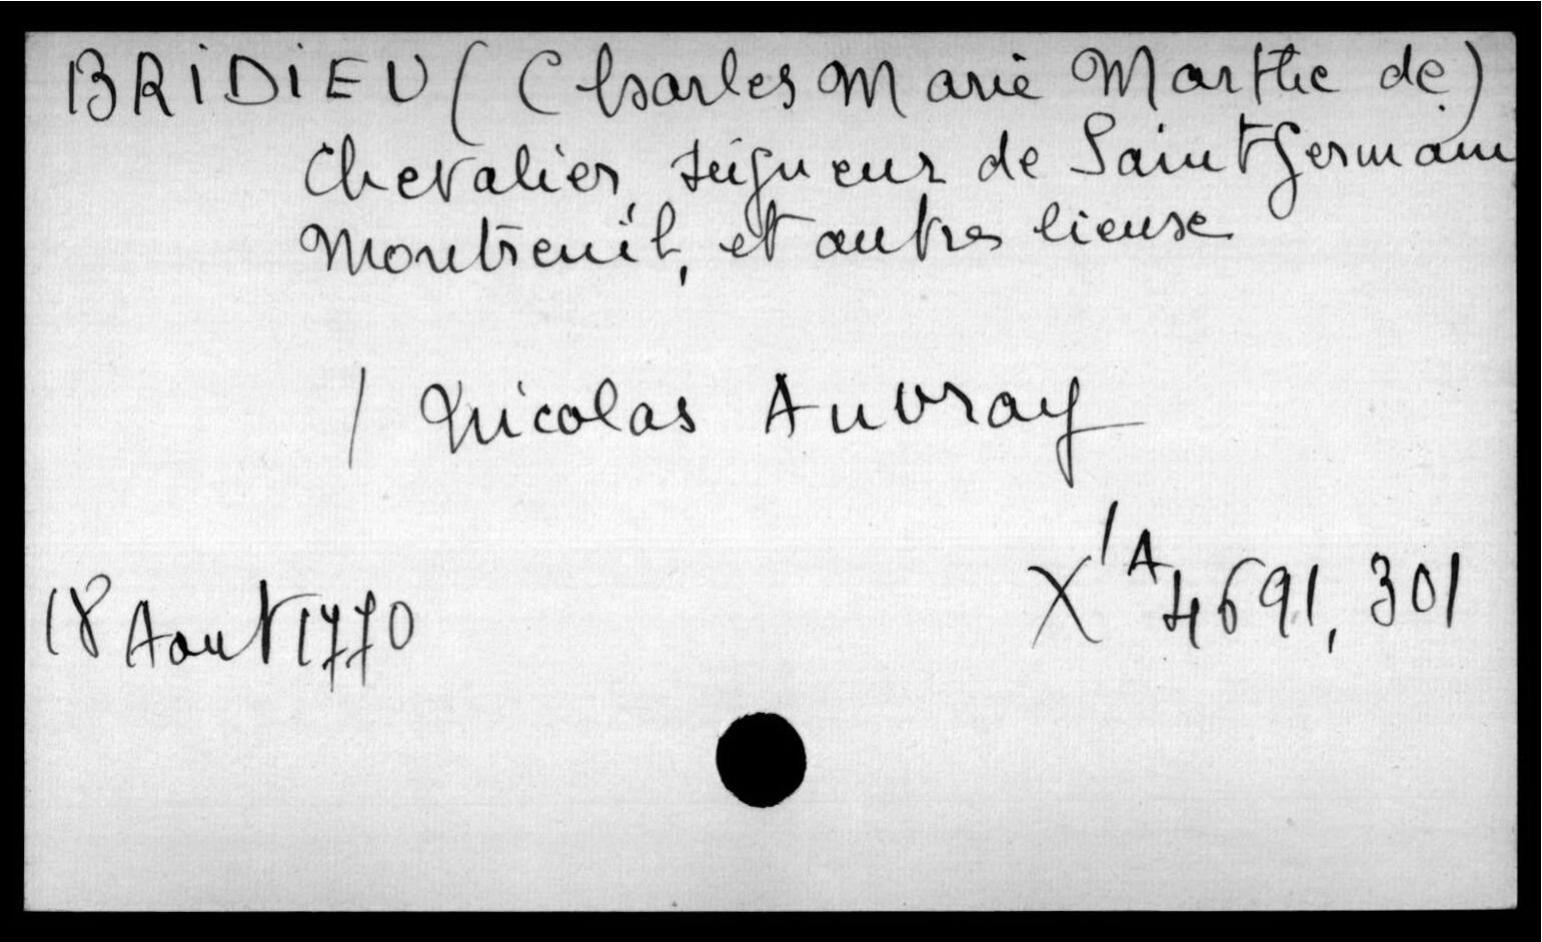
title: BRIDIEU (Charles Marie Marthe de) Chevalier, seigneur de Saint-Germain Montreuil, et autres lieux
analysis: Contre Nicolas Auvray
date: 18 août 1770
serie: X1A
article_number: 4691
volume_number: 301
